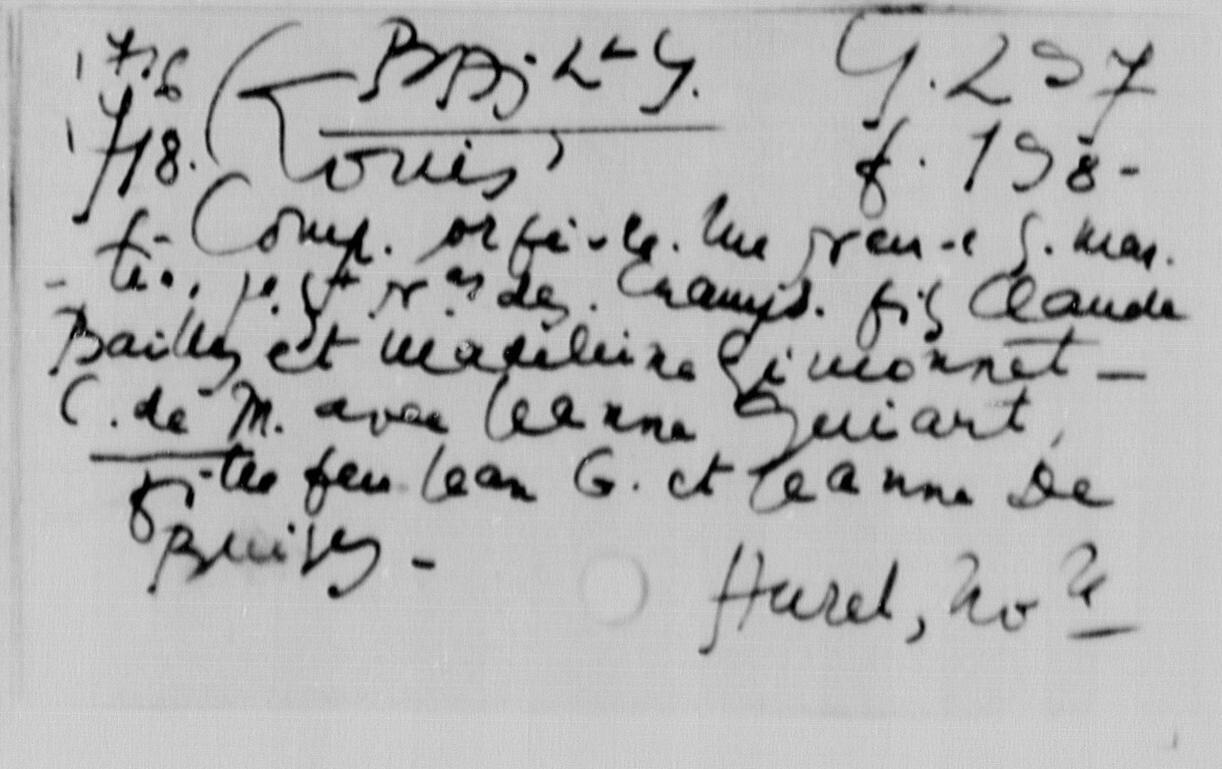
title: BAILLY (Louis)
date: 1716-1718
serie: Y
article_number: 257
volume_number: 198
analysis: Compagnon orfèvre, rue Neuve Saint-Martin, paroisse Saint-Nicolas-des-Champs. Fis Claude Bailly et Madeleine Simonnet. Contrat de mariage avec Jeanne Guiart, fille feu Jean G. et Jeanne de Buisy. Hurel, notaire.
